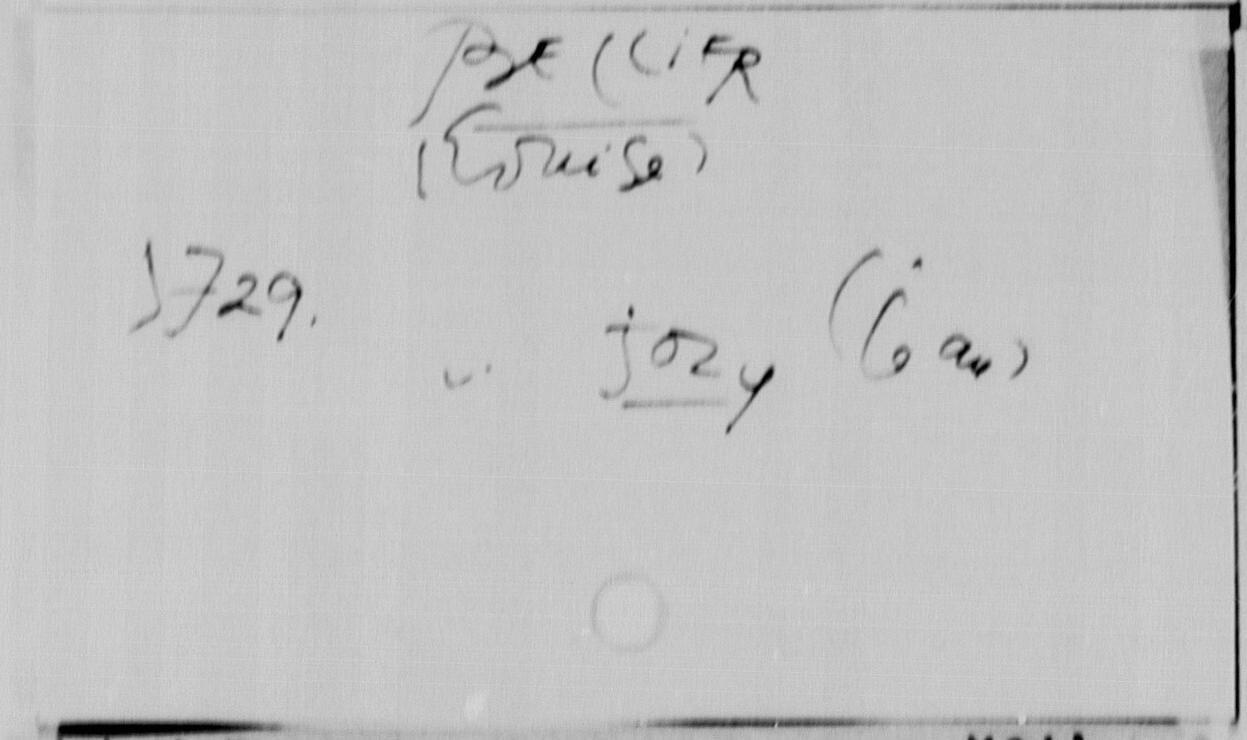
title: BELLIER (Louise)
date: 1729
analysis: Voir JORY (Jean)
